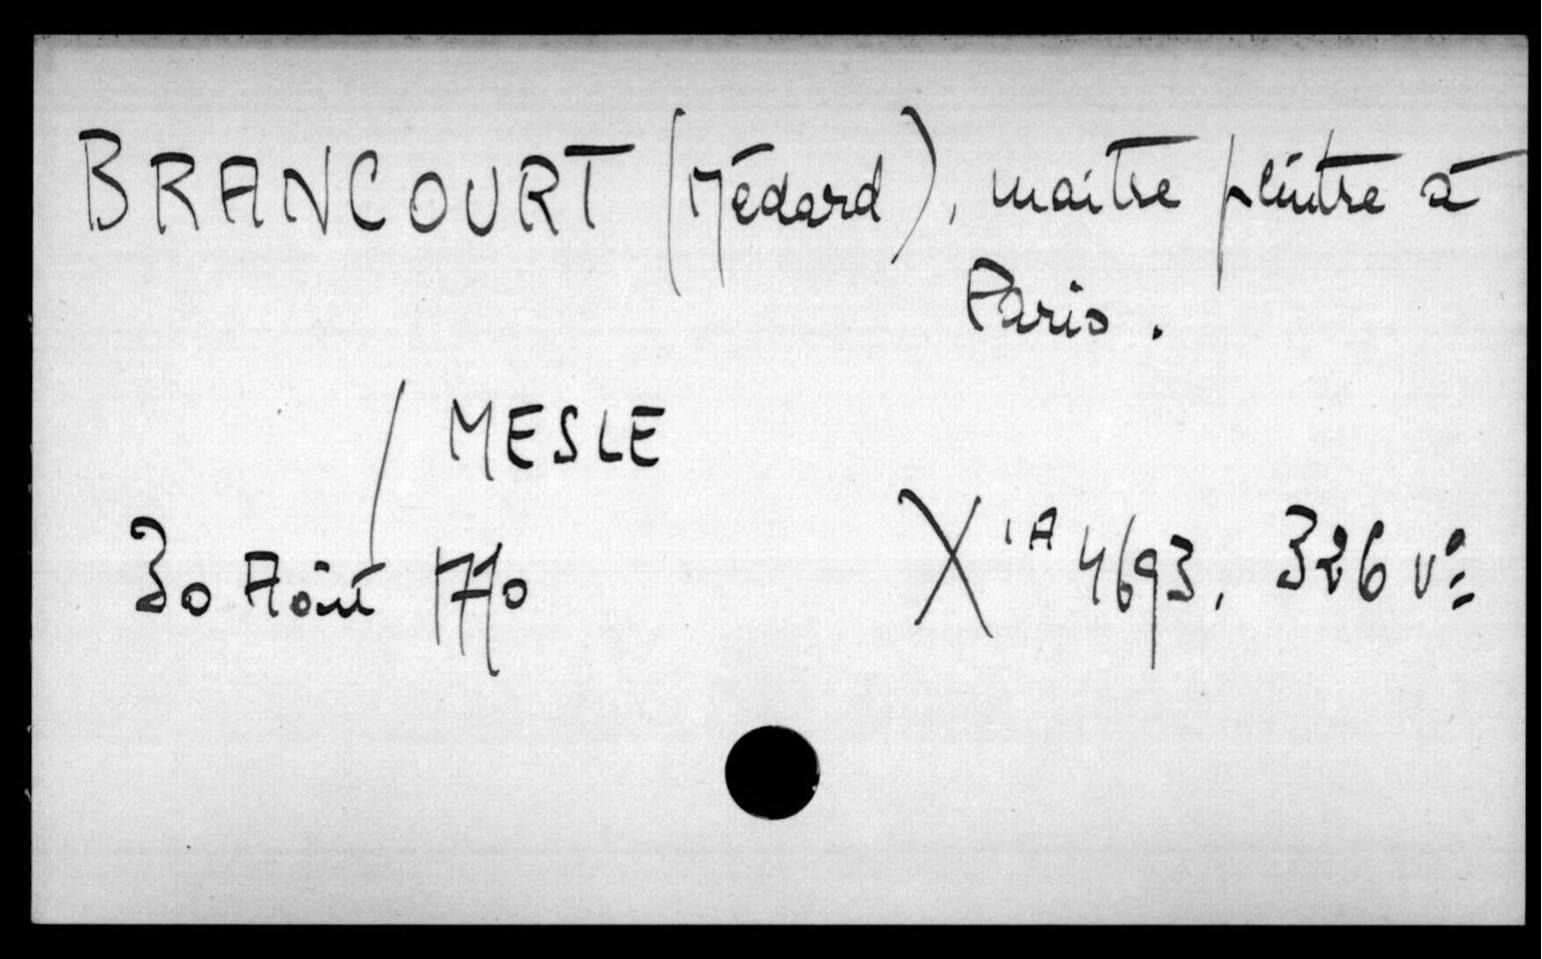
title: BRANCOURT (Médard), maître peintre à Paris.
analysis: Contre MESLE
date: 30 août 1770
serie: X1A
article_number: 4693
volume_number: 326v
